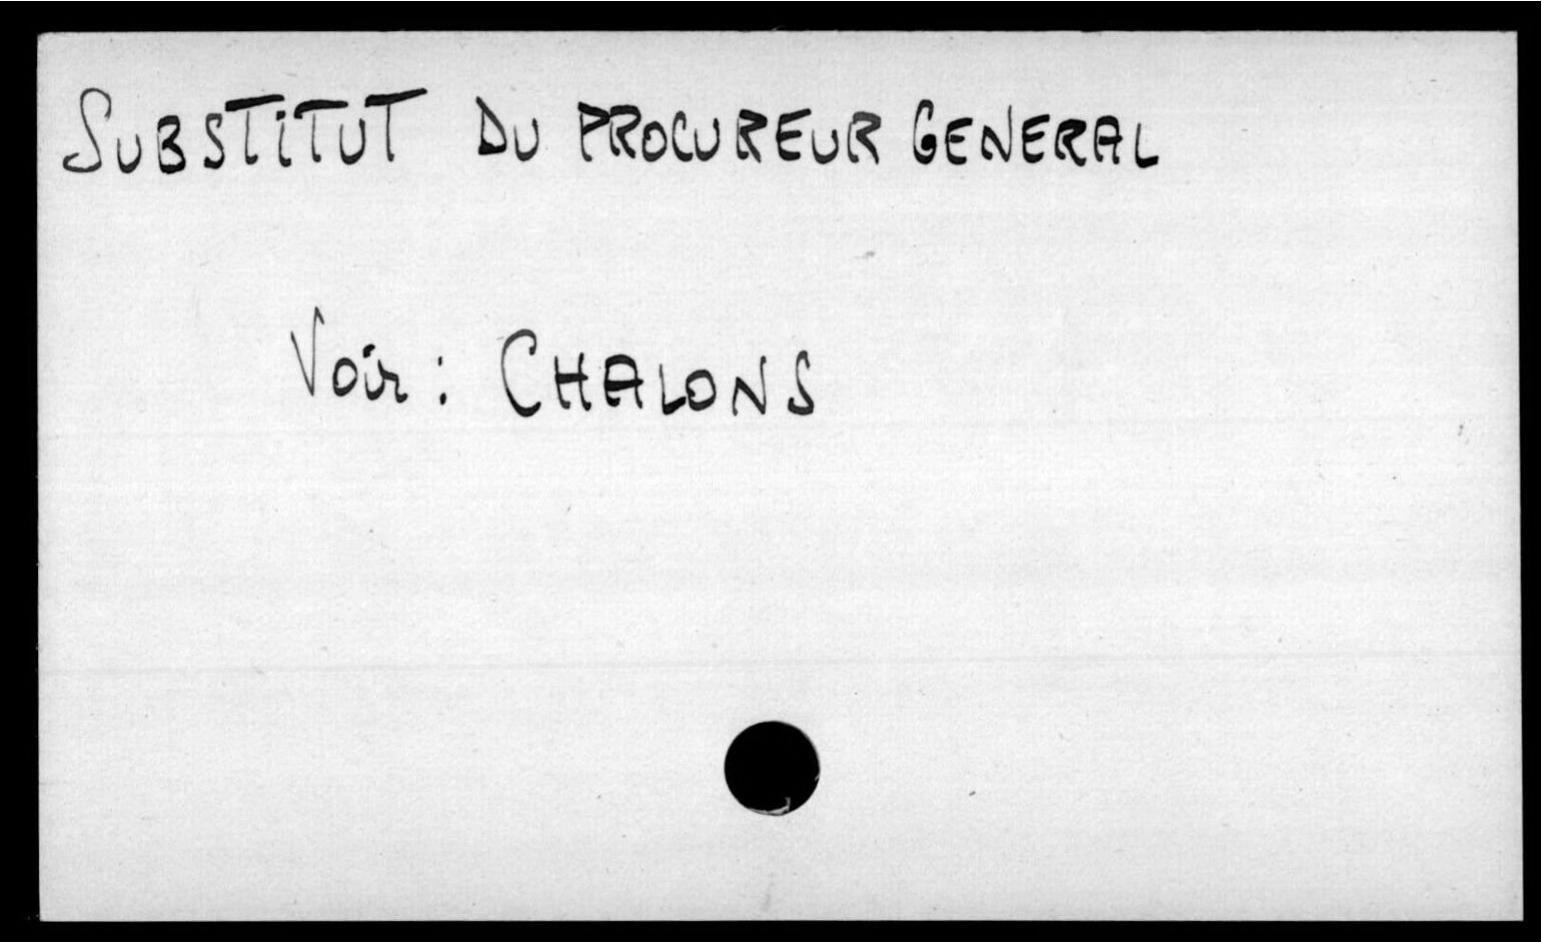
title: SUBSTITUT DU PROCUREUR GÉNÉRAL
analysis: Voir : CHALONS
